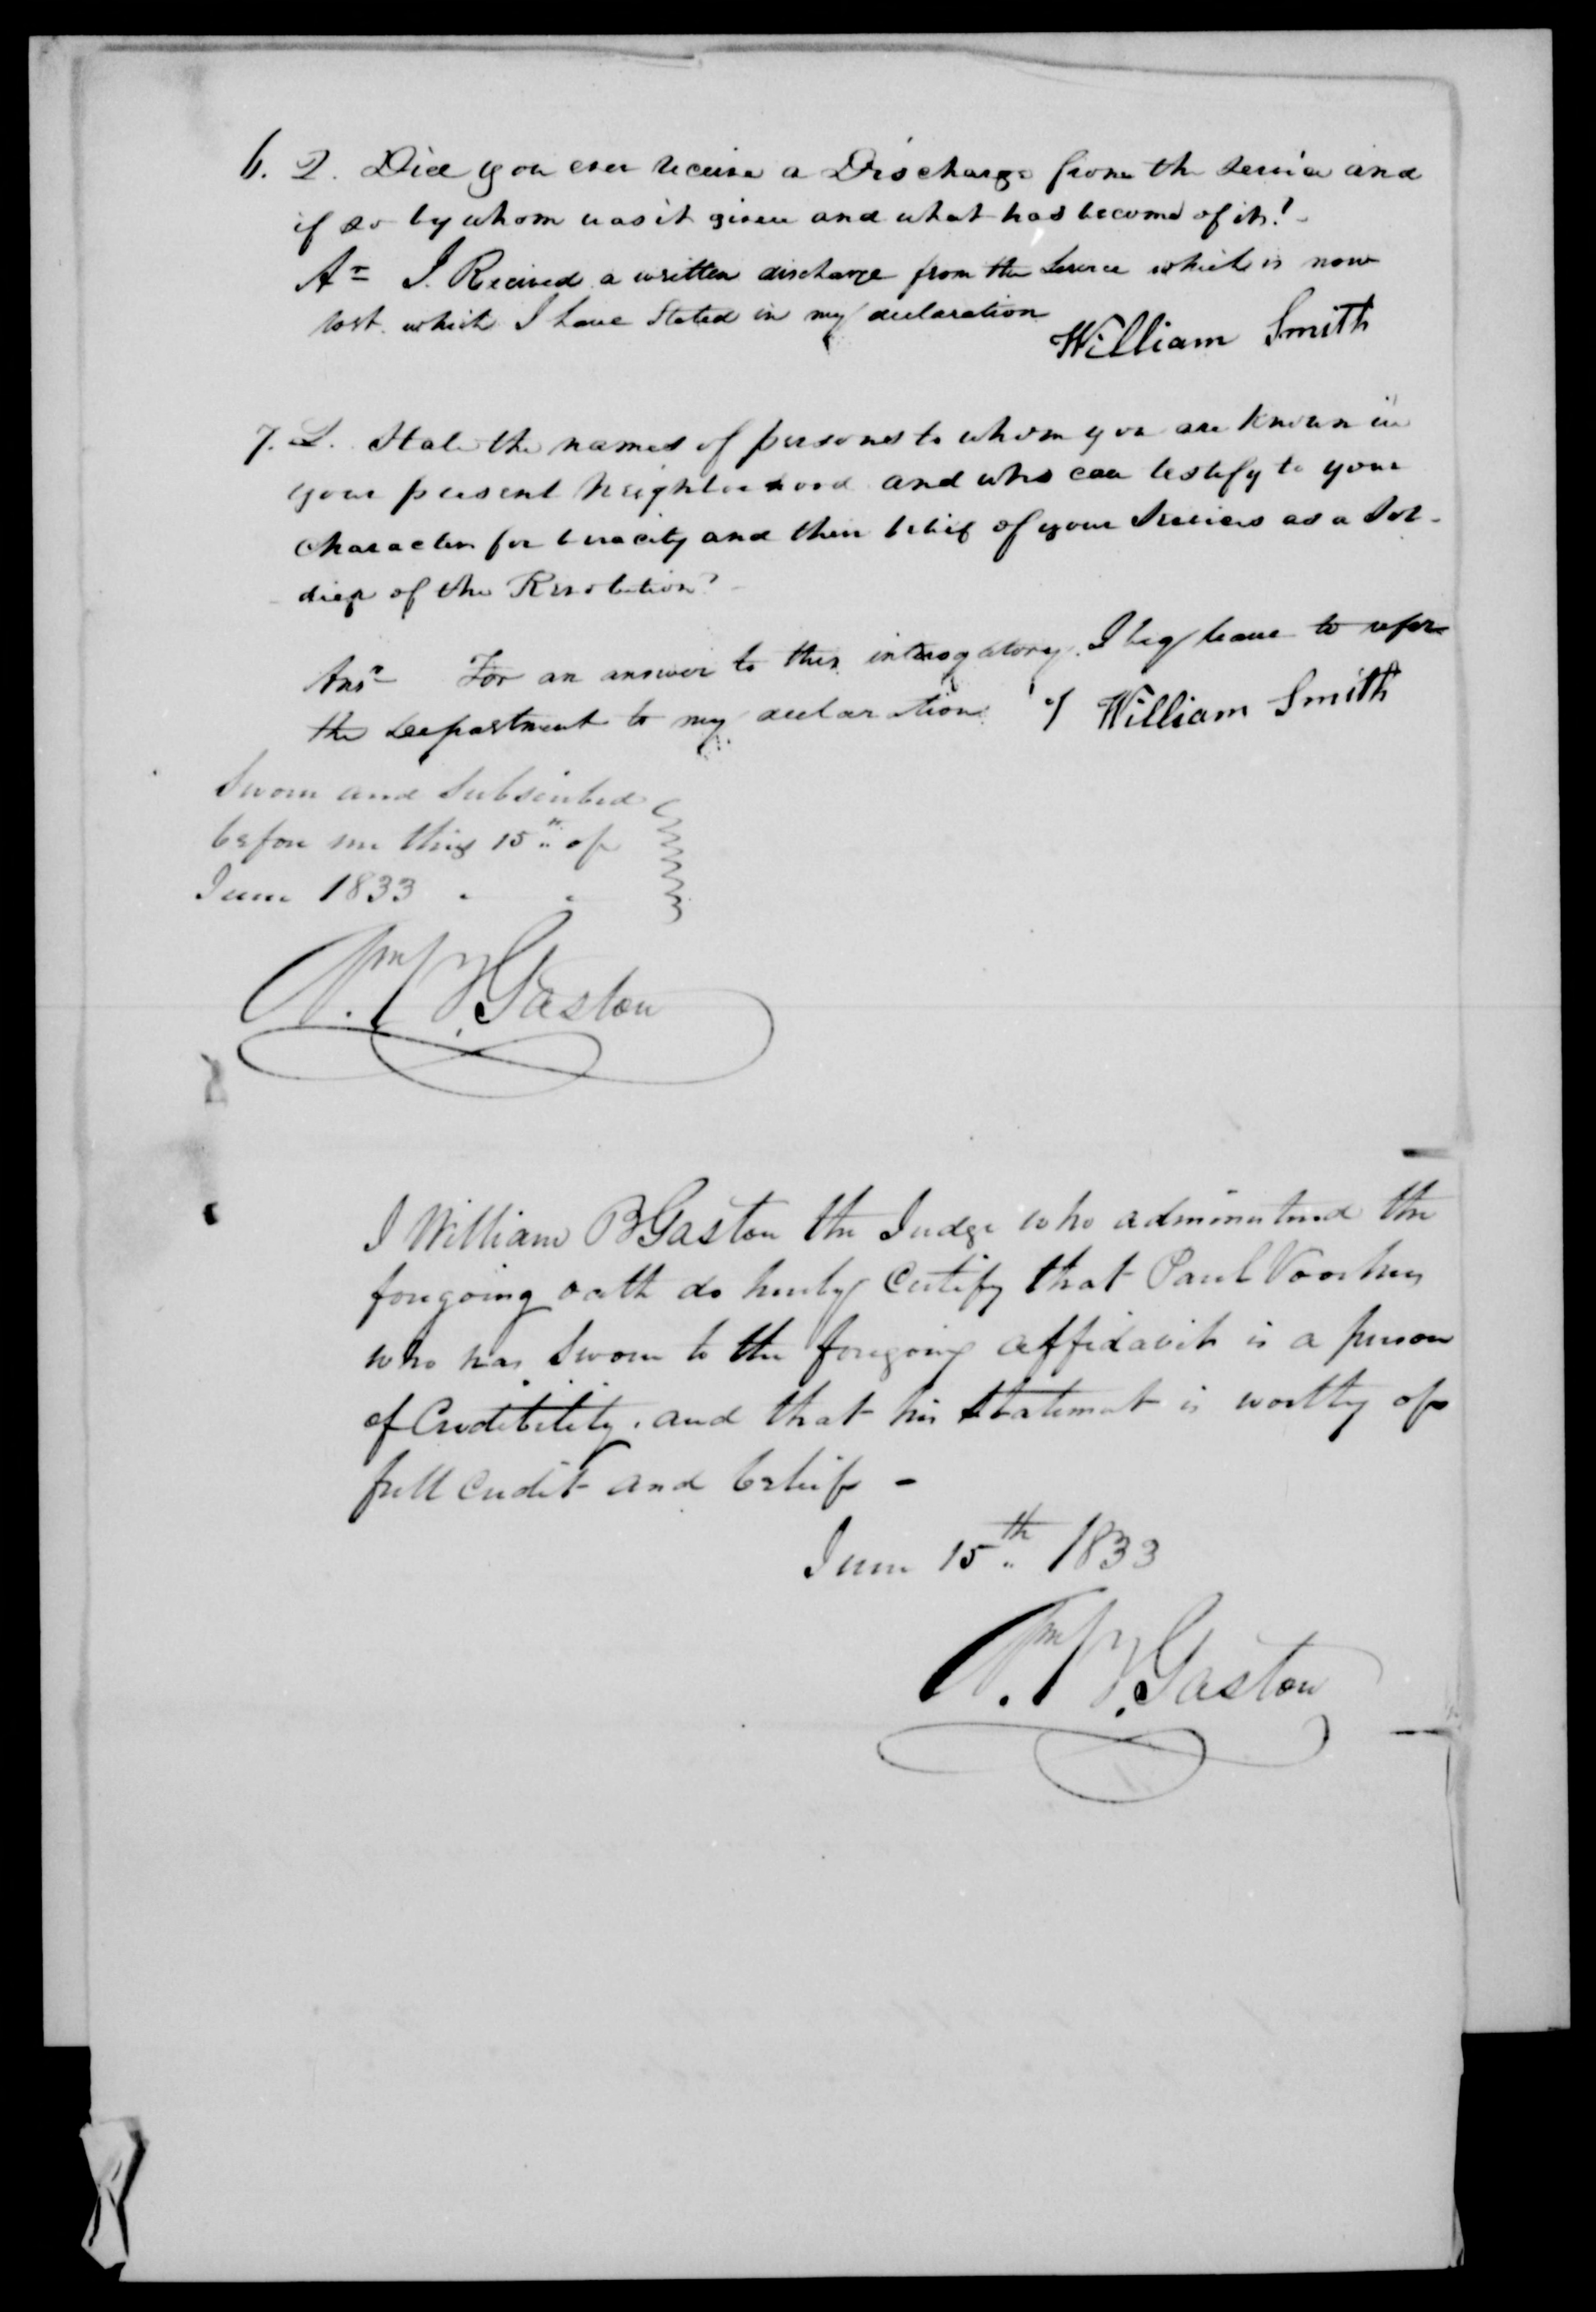6. Q. Did you ever receive a Discharge from the service and if so by whom was it given and what has become of it?
A. I Received a written discharge from the service which is now lost, which I have stated in my declaration
William Smith
7. Q. State the names of persons to whom you are known in your present neighborhood and who can testify to your character for veracity and their belief of your services as a soldier
of the Revolution.
Ans. For an answer to this interrogatory, I beg leave to refer the Department to my declaration William Smith

Sworn and subscribed
before me this 15th of
June 1833
Wm B. Gaston

I William B Gaston the Judge who administered the foregoing oath do hereby certify that Paul Voorhees who has sworn to the foregoing affidavit is a person of credibility, and that his statement is worthy of full credit and belief -
June 15th 1833
Wm B. Gaston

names: Wm B Gaston; William Smith; Paul Voorhees; William B Gaston; Wm B Gaston; William Smith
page: 13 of 27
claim: survivor's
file: S. 915, for William Smith, New Jersey